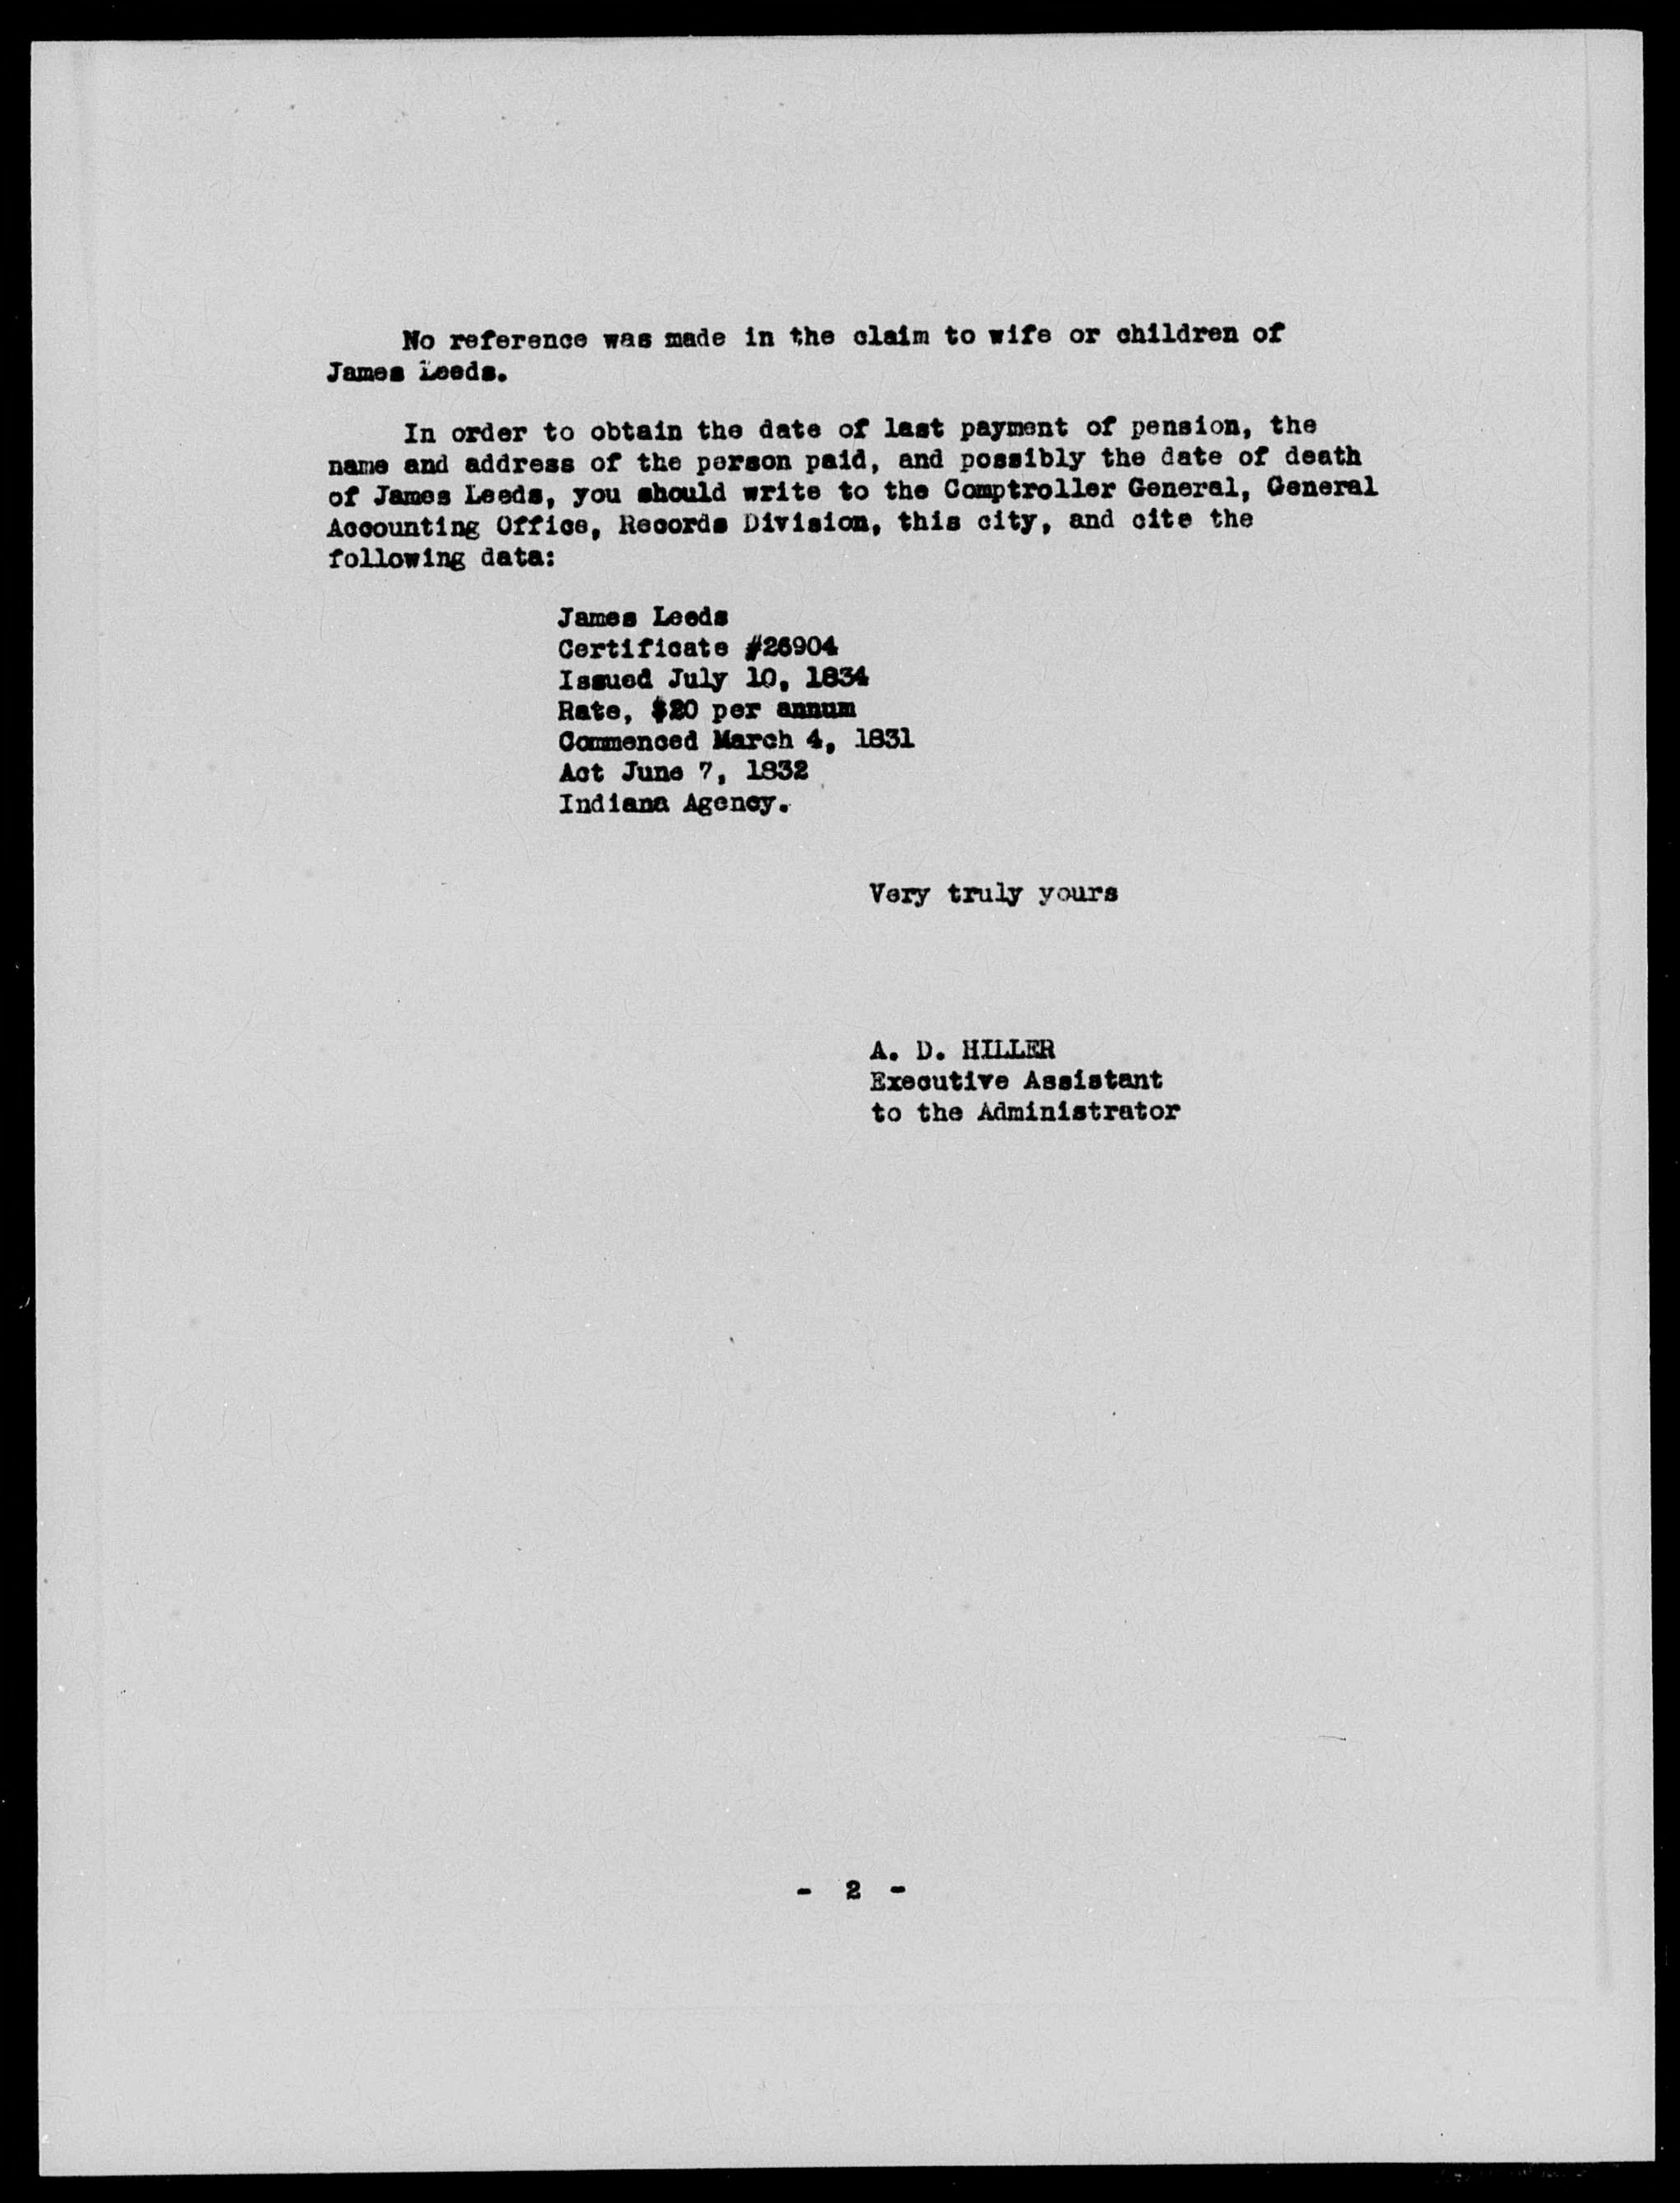No reference was made in the claim to wife or children of James Leeds.

In order to obtain the date of last payment of pension, the name and address of the person paid, and possibly the date of death of James Leeds, you should write to the Comptroller General, General Accounting Office, Records Division, this city, and cite the following data:

James Leeds Certificate #26904 Issued July 10, 1834 Rate, $20 per annum Commenced March 4, 1831 Act June 7, 1832 Indiana Agency.

Very truly yours 

A.D. HILLER
Executive Assistant
to the Administrator

[Bottom center page] 2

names: James Leeds; A D Hiller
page: 15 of 38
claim: survivor's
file: S 31817, for James Leeds, New Jersey